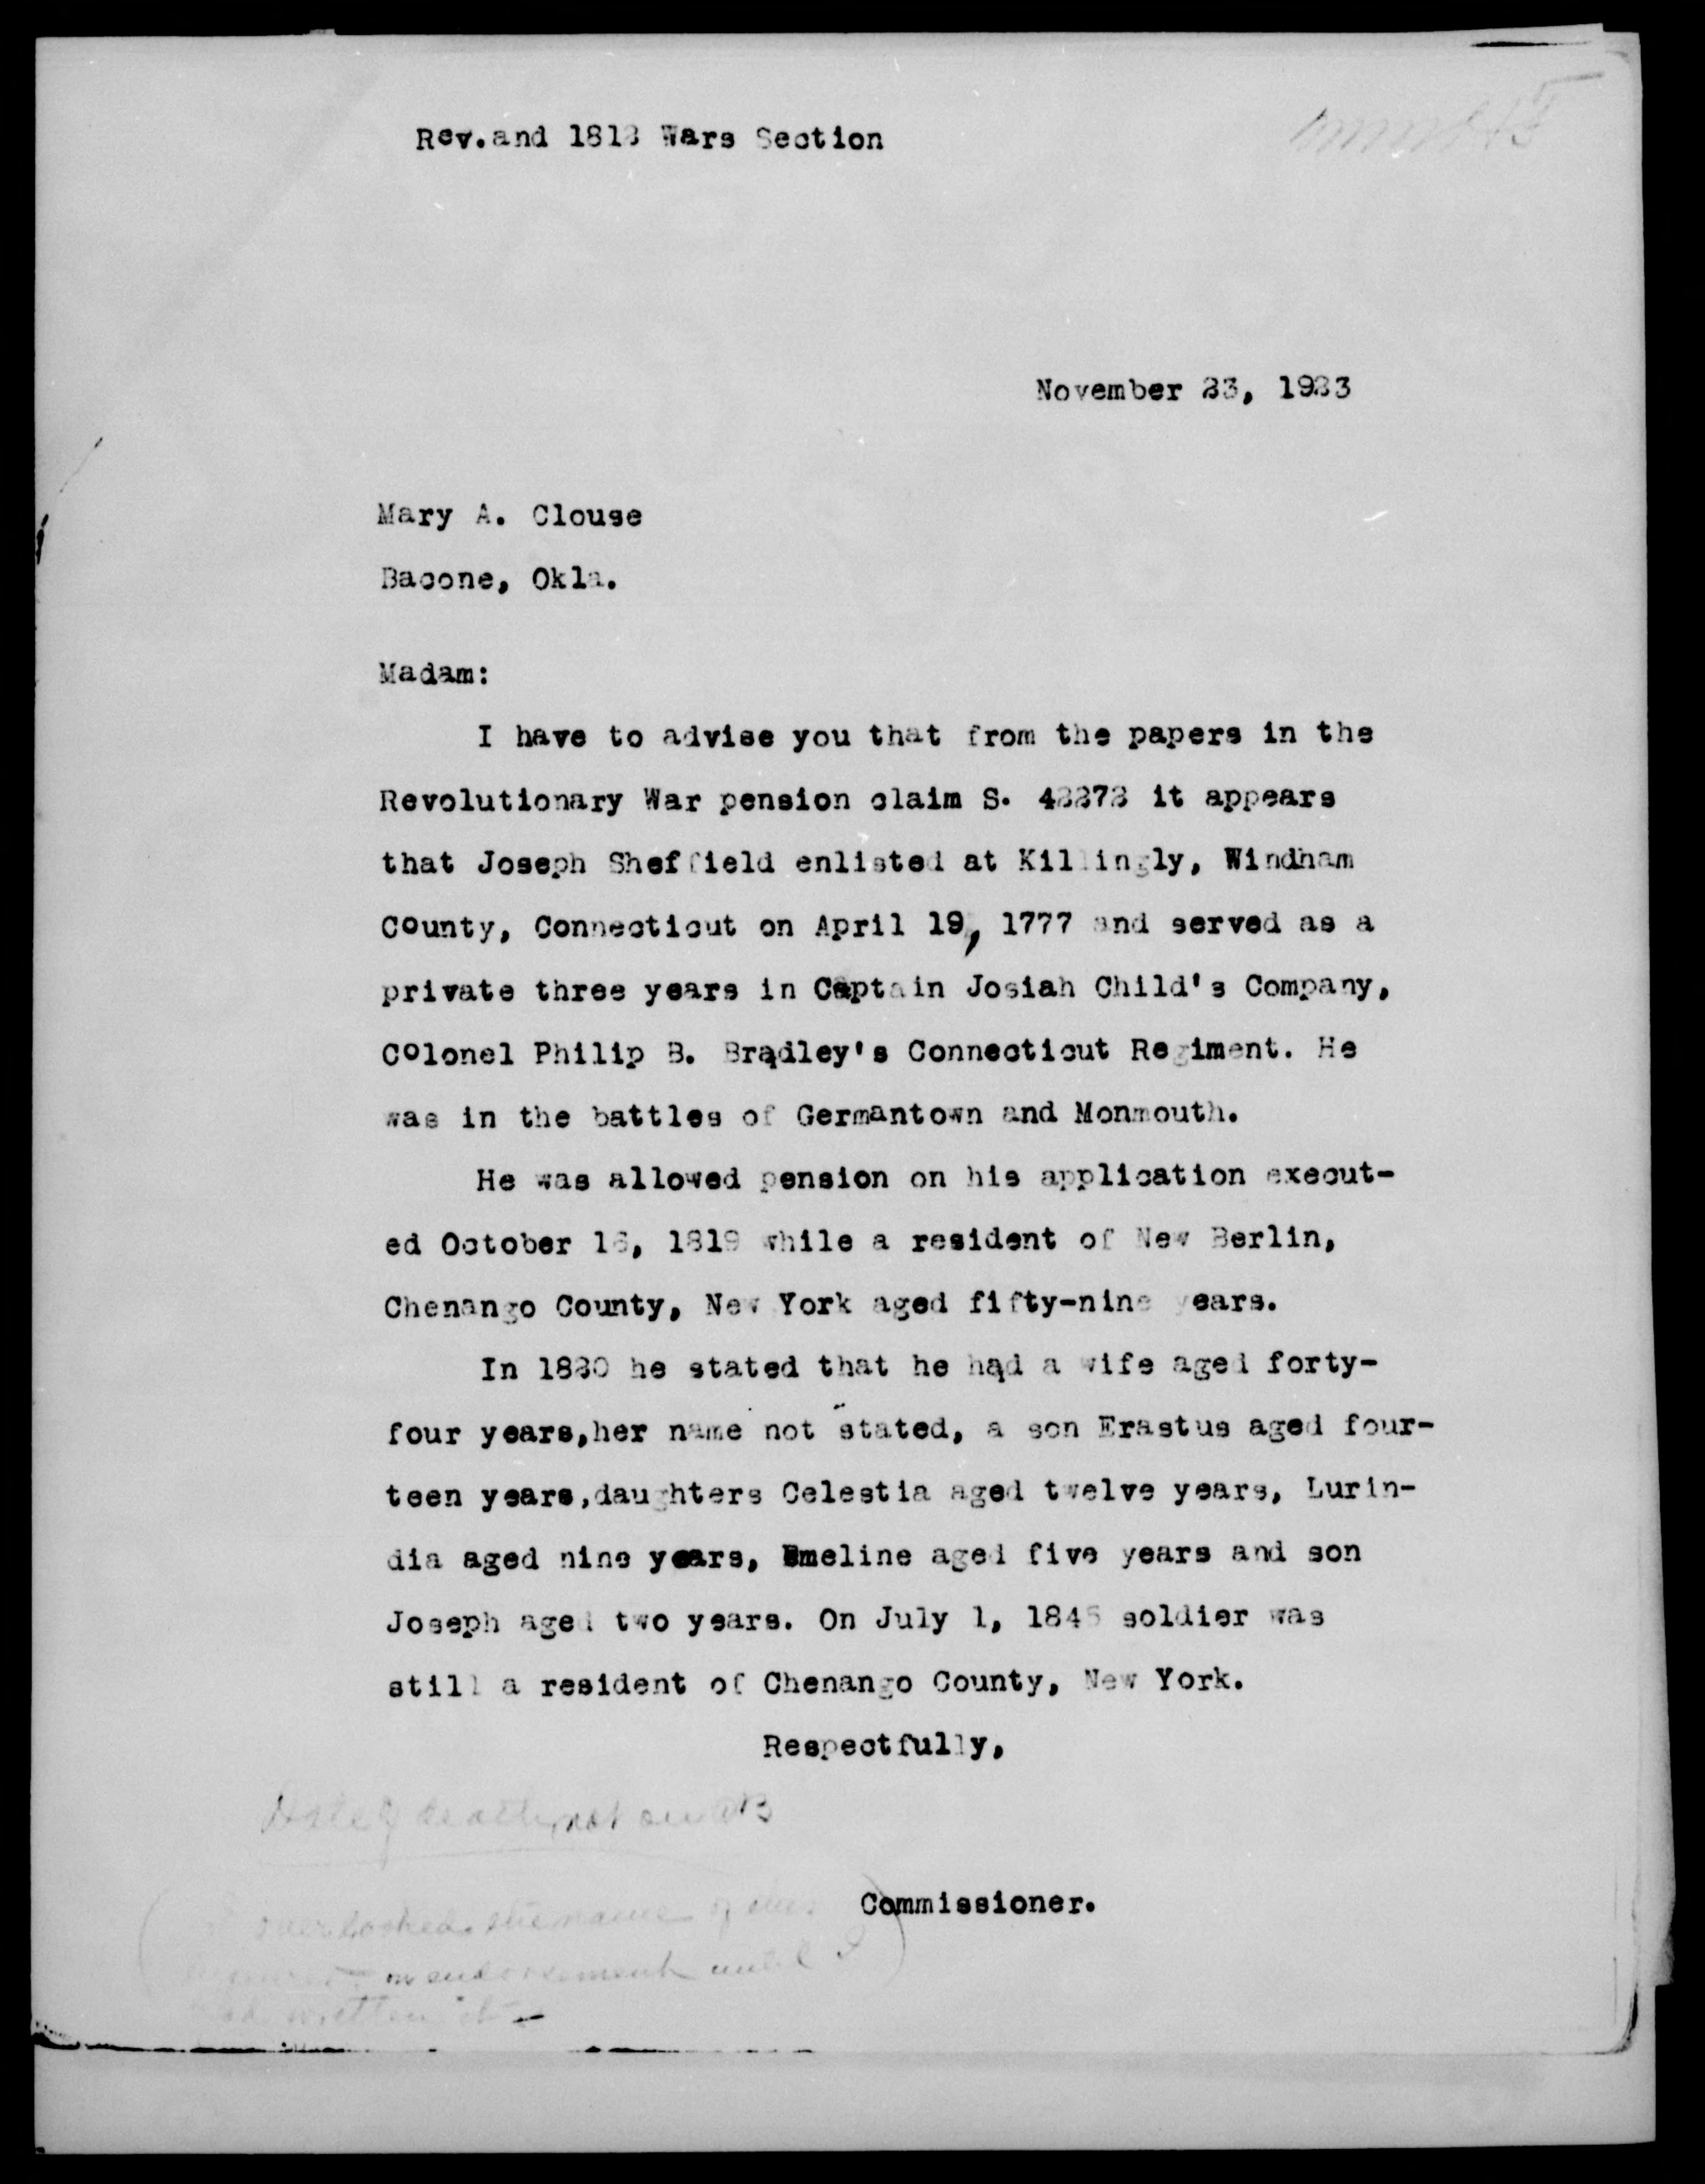Rev. and 1812 Wars Section  MMH

November 23, 1933 

Mary A. Clouse
Bacone, Okla.

Madam:


I have to advise you that from the papers in the
Revolutionary War pension claim S. 43272 it appears
that Joseph Sheffield enlisted at Killingly, Windham
County, Connecticut on April 19, 1777 and served as a
private three years in Captain Josiah Child's Company,
Colonel Philip B. Bradley's Connecticut Regiment. He
was in the battles of Germantown and Monmouth.

He was allowed pension on his application executed
October 13, 1819 while a resident of New Berlin,
Chenango County, New York aged fifty-nine years.
In 1820 he stated that he had a wife aged forty-
four years, her name not stated, a son Erastus aged fourteen
years, daughters Celestia aged twelve years, Lurindia 
aged nine years, Emeline aged five years and son
Joseph aged two years. On July 1, 1845 soldier was
still a resident of Chenango County, New York.

Respectfully,
Commissioner

date of death not on AB
(I overlooked the name of his
[illegible] on endorsement until I
had written it)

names: Joseph Sheffield; Mary A Clouse; Celestia [BLANK]; Emeline [BLANK]; Lurindia [BLANK]; Erastus [BLANK]; Joseph [BLANK]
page: 23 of 25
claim: survivor's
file: S. 42,272, for Joseph Sheffield, Connecticut